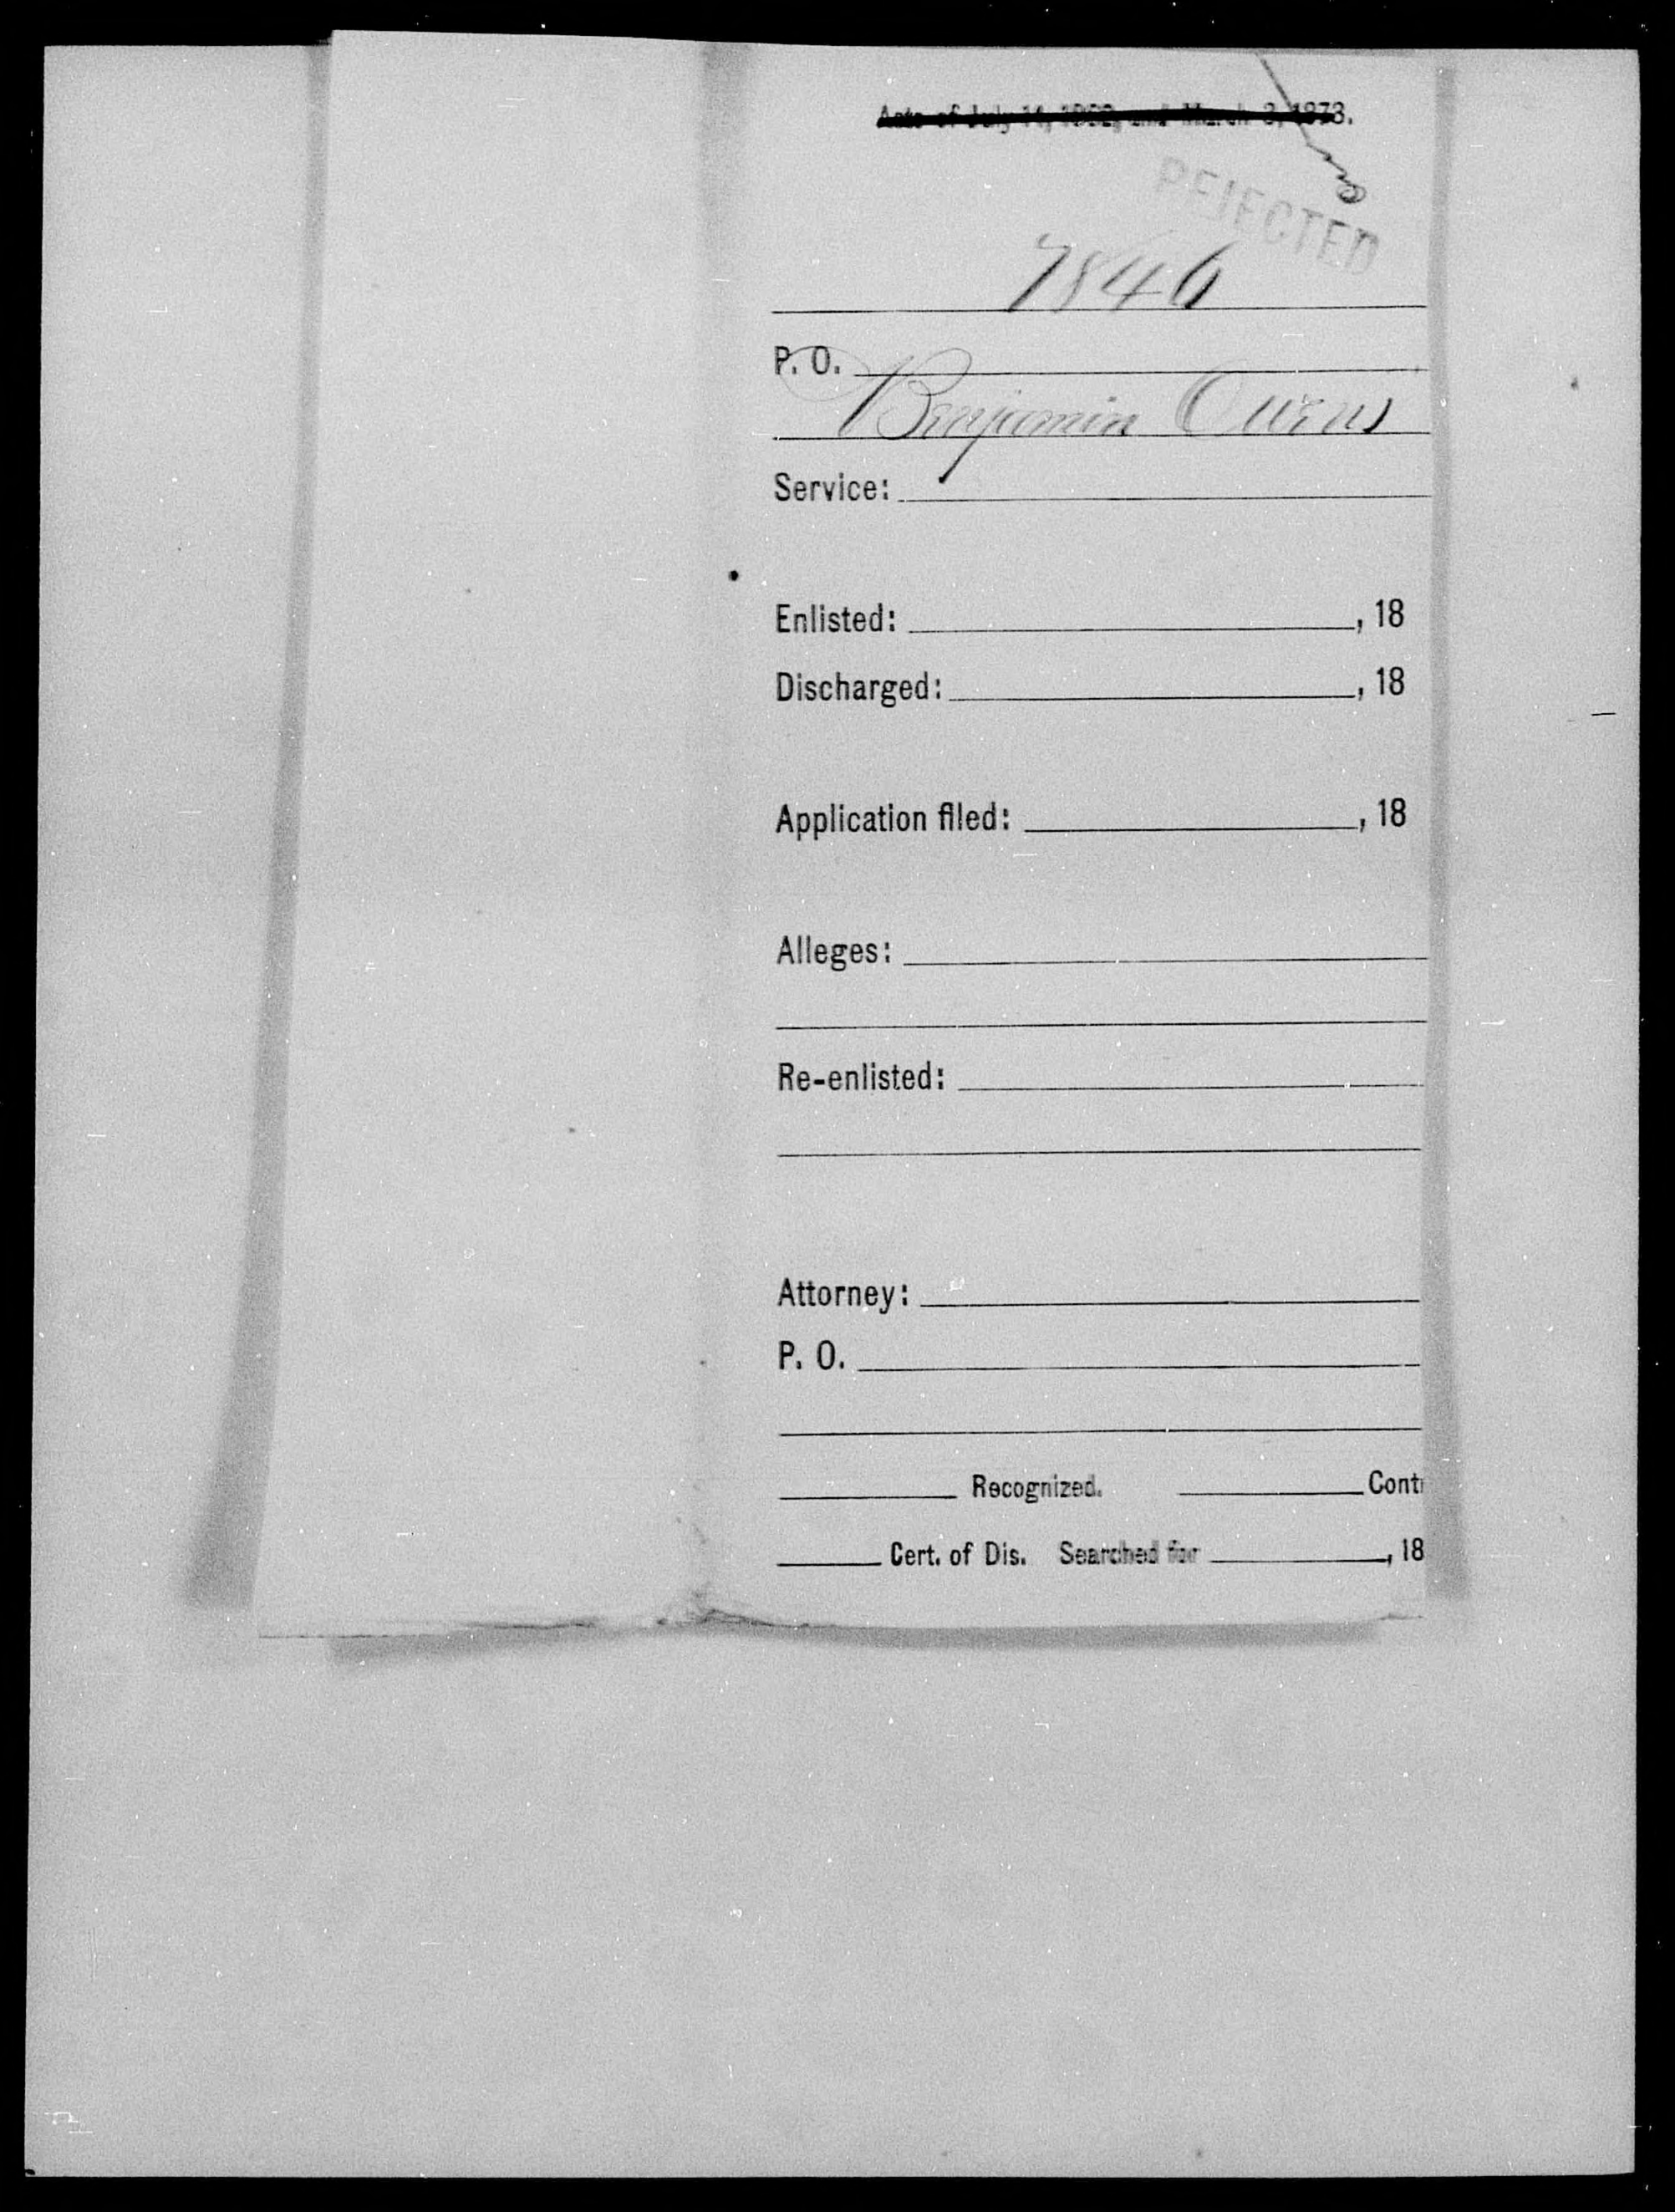Acts of July 14, 1832, and March 3, 1873.
REJECTED
OWM
7846
P. O.
Benjamin Owens
Service:
Enlisted:  18
Discharged:   18   18
Application filed:
Alleges:
Re-enlisted:
Attorney:
P. O.
Recognized.    Cont [remainder of word missing]
Cert. of Dis.   Searched for   ,18
18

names: Benjamin Owens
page: 24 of 28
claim: rejected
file: R. 7846, for Benjamin Owens, South Carolina